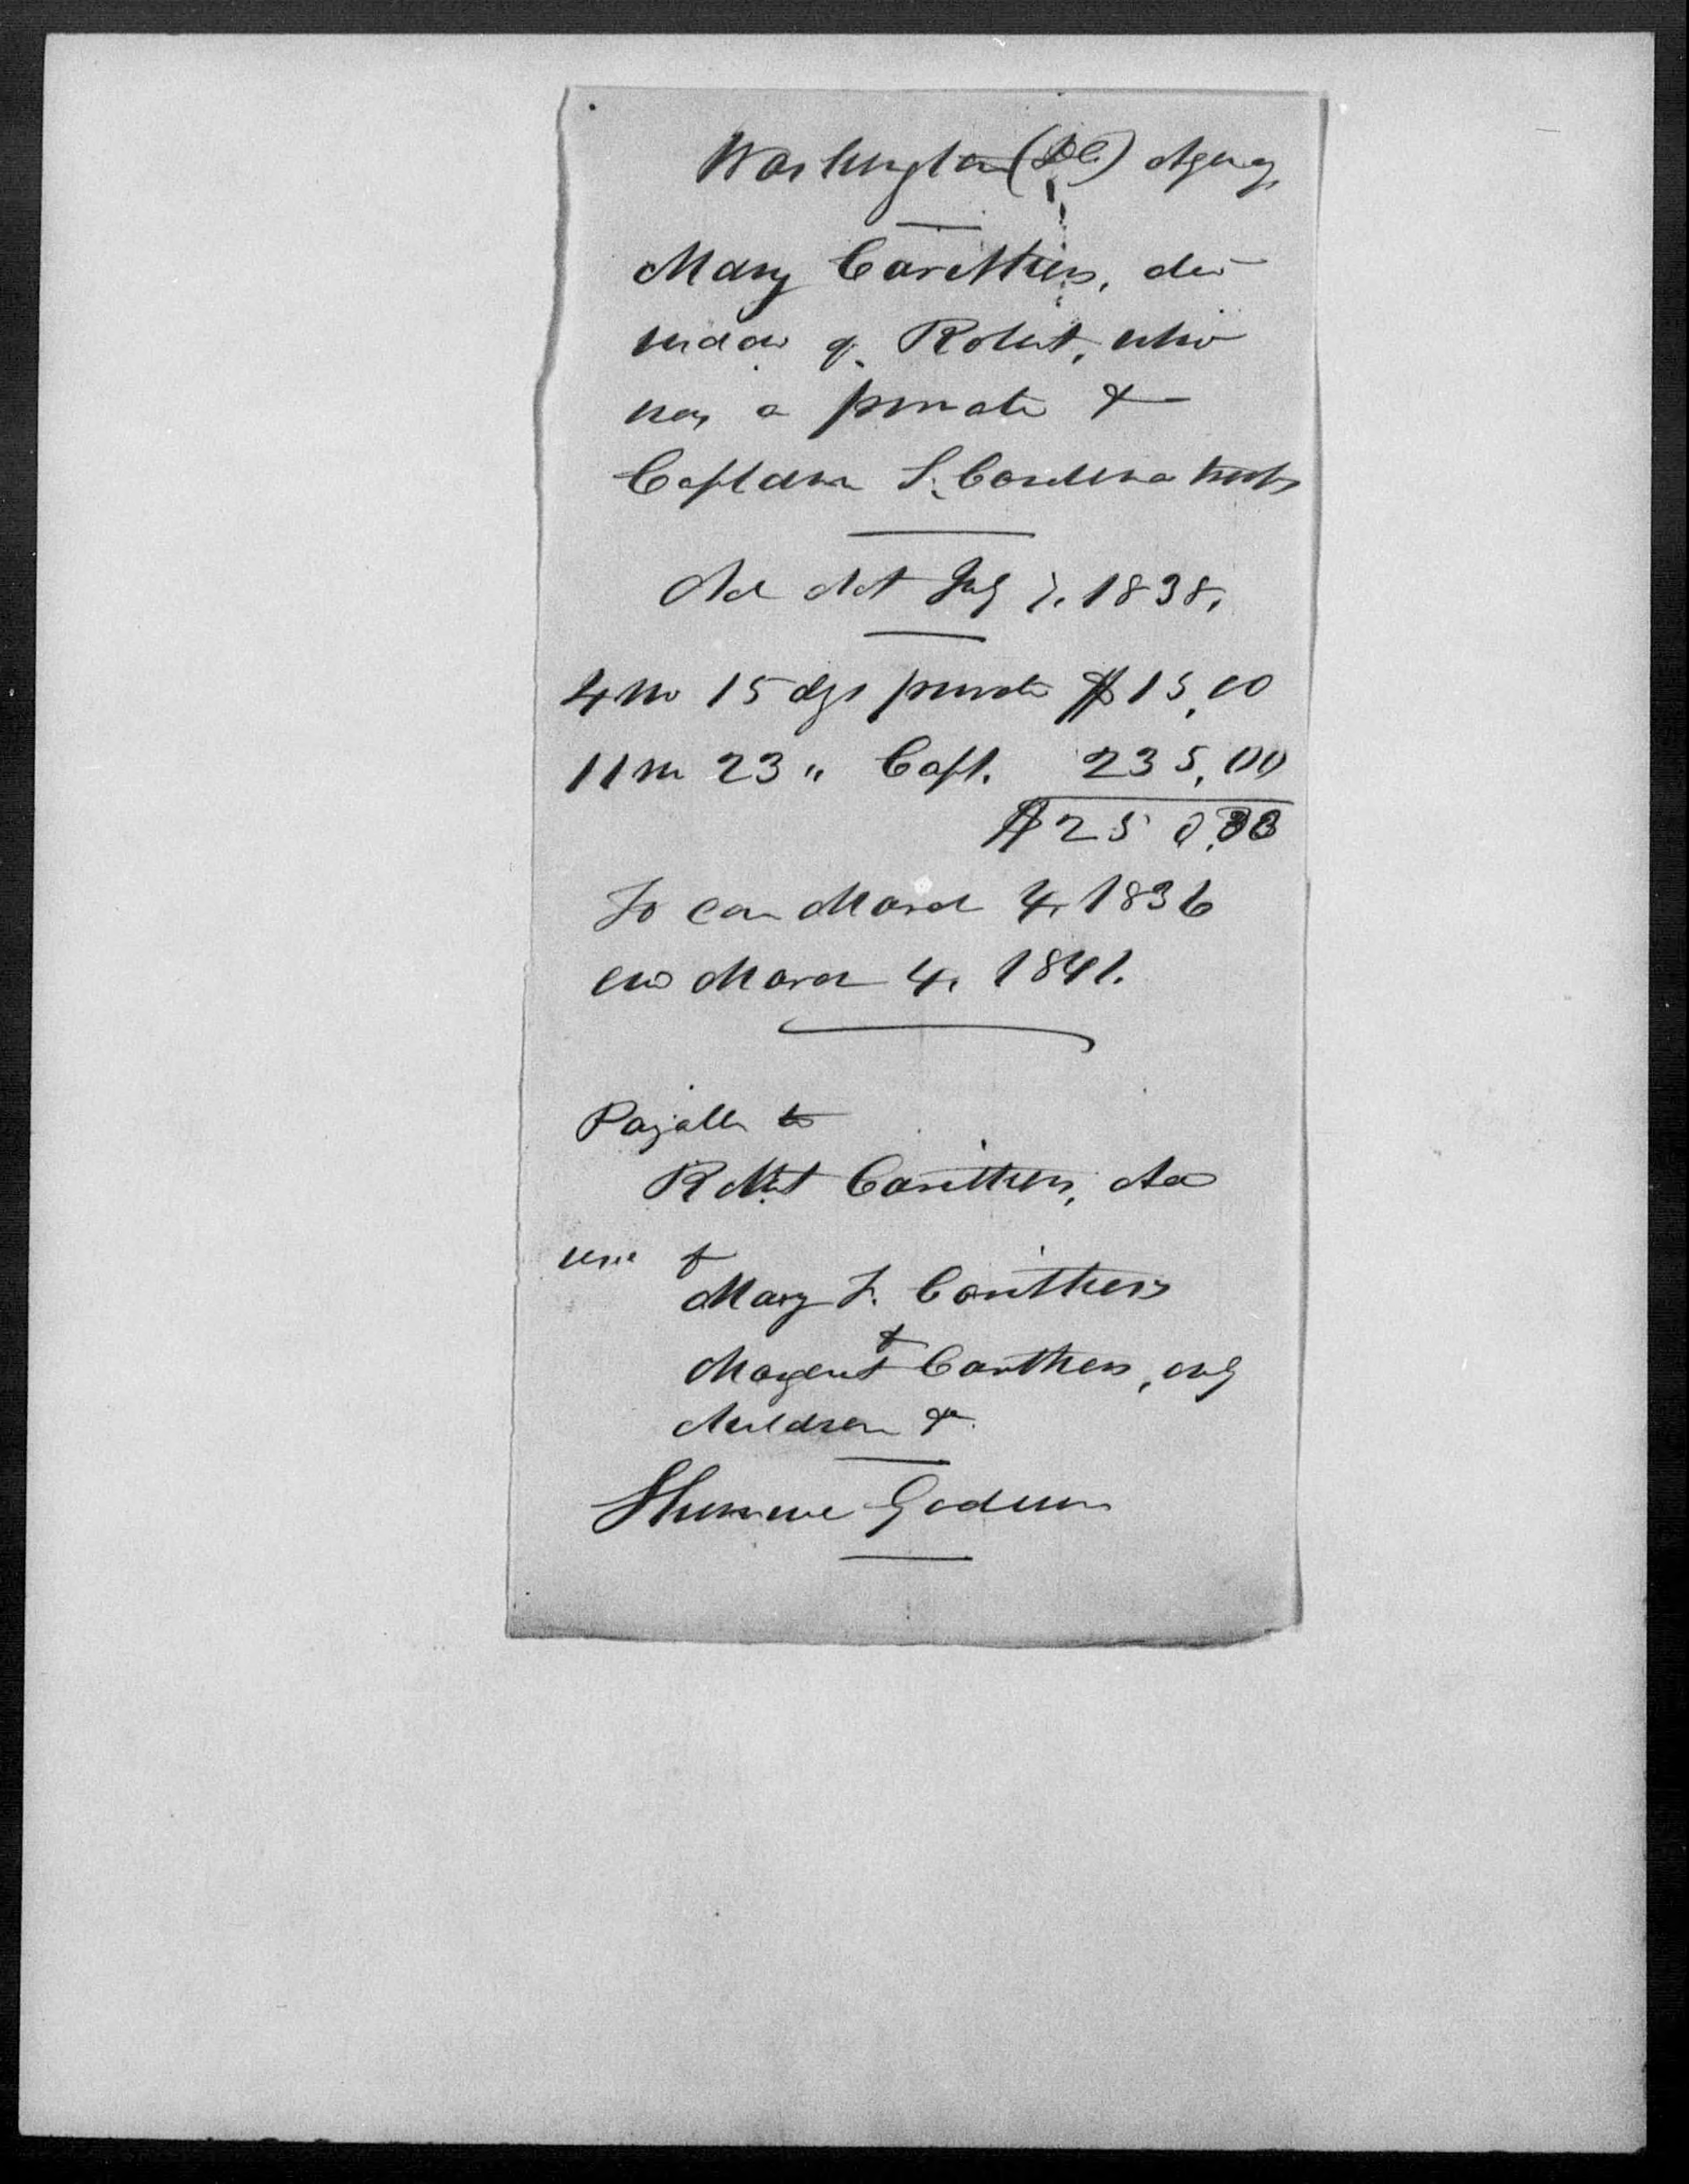Washington  ( DC) Agency Mary Carither dec - widow of Robert , who was a private  & Captain  S. Carolina troops  Ad act July 7,1838 4 mo 15 dys private $ 15.00 11 m 23 dys Capt. $ 235.00 ( total $ 250.00 )  To com. March 4, 1836 end  March  4, 1841. Payable to  Robert Carithers  ,Ad min of Mary L. Carithers & Margret Carithers , only children &  Skinnel Godwin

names: Margeret Carithers, Mary Carithers, Robert, Robert Carithers, Skinnel Godwin, Mary F Carithers, S Carithers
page: 18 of 33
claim: widow's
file: W. 23779, Robert Carithers, S.C.